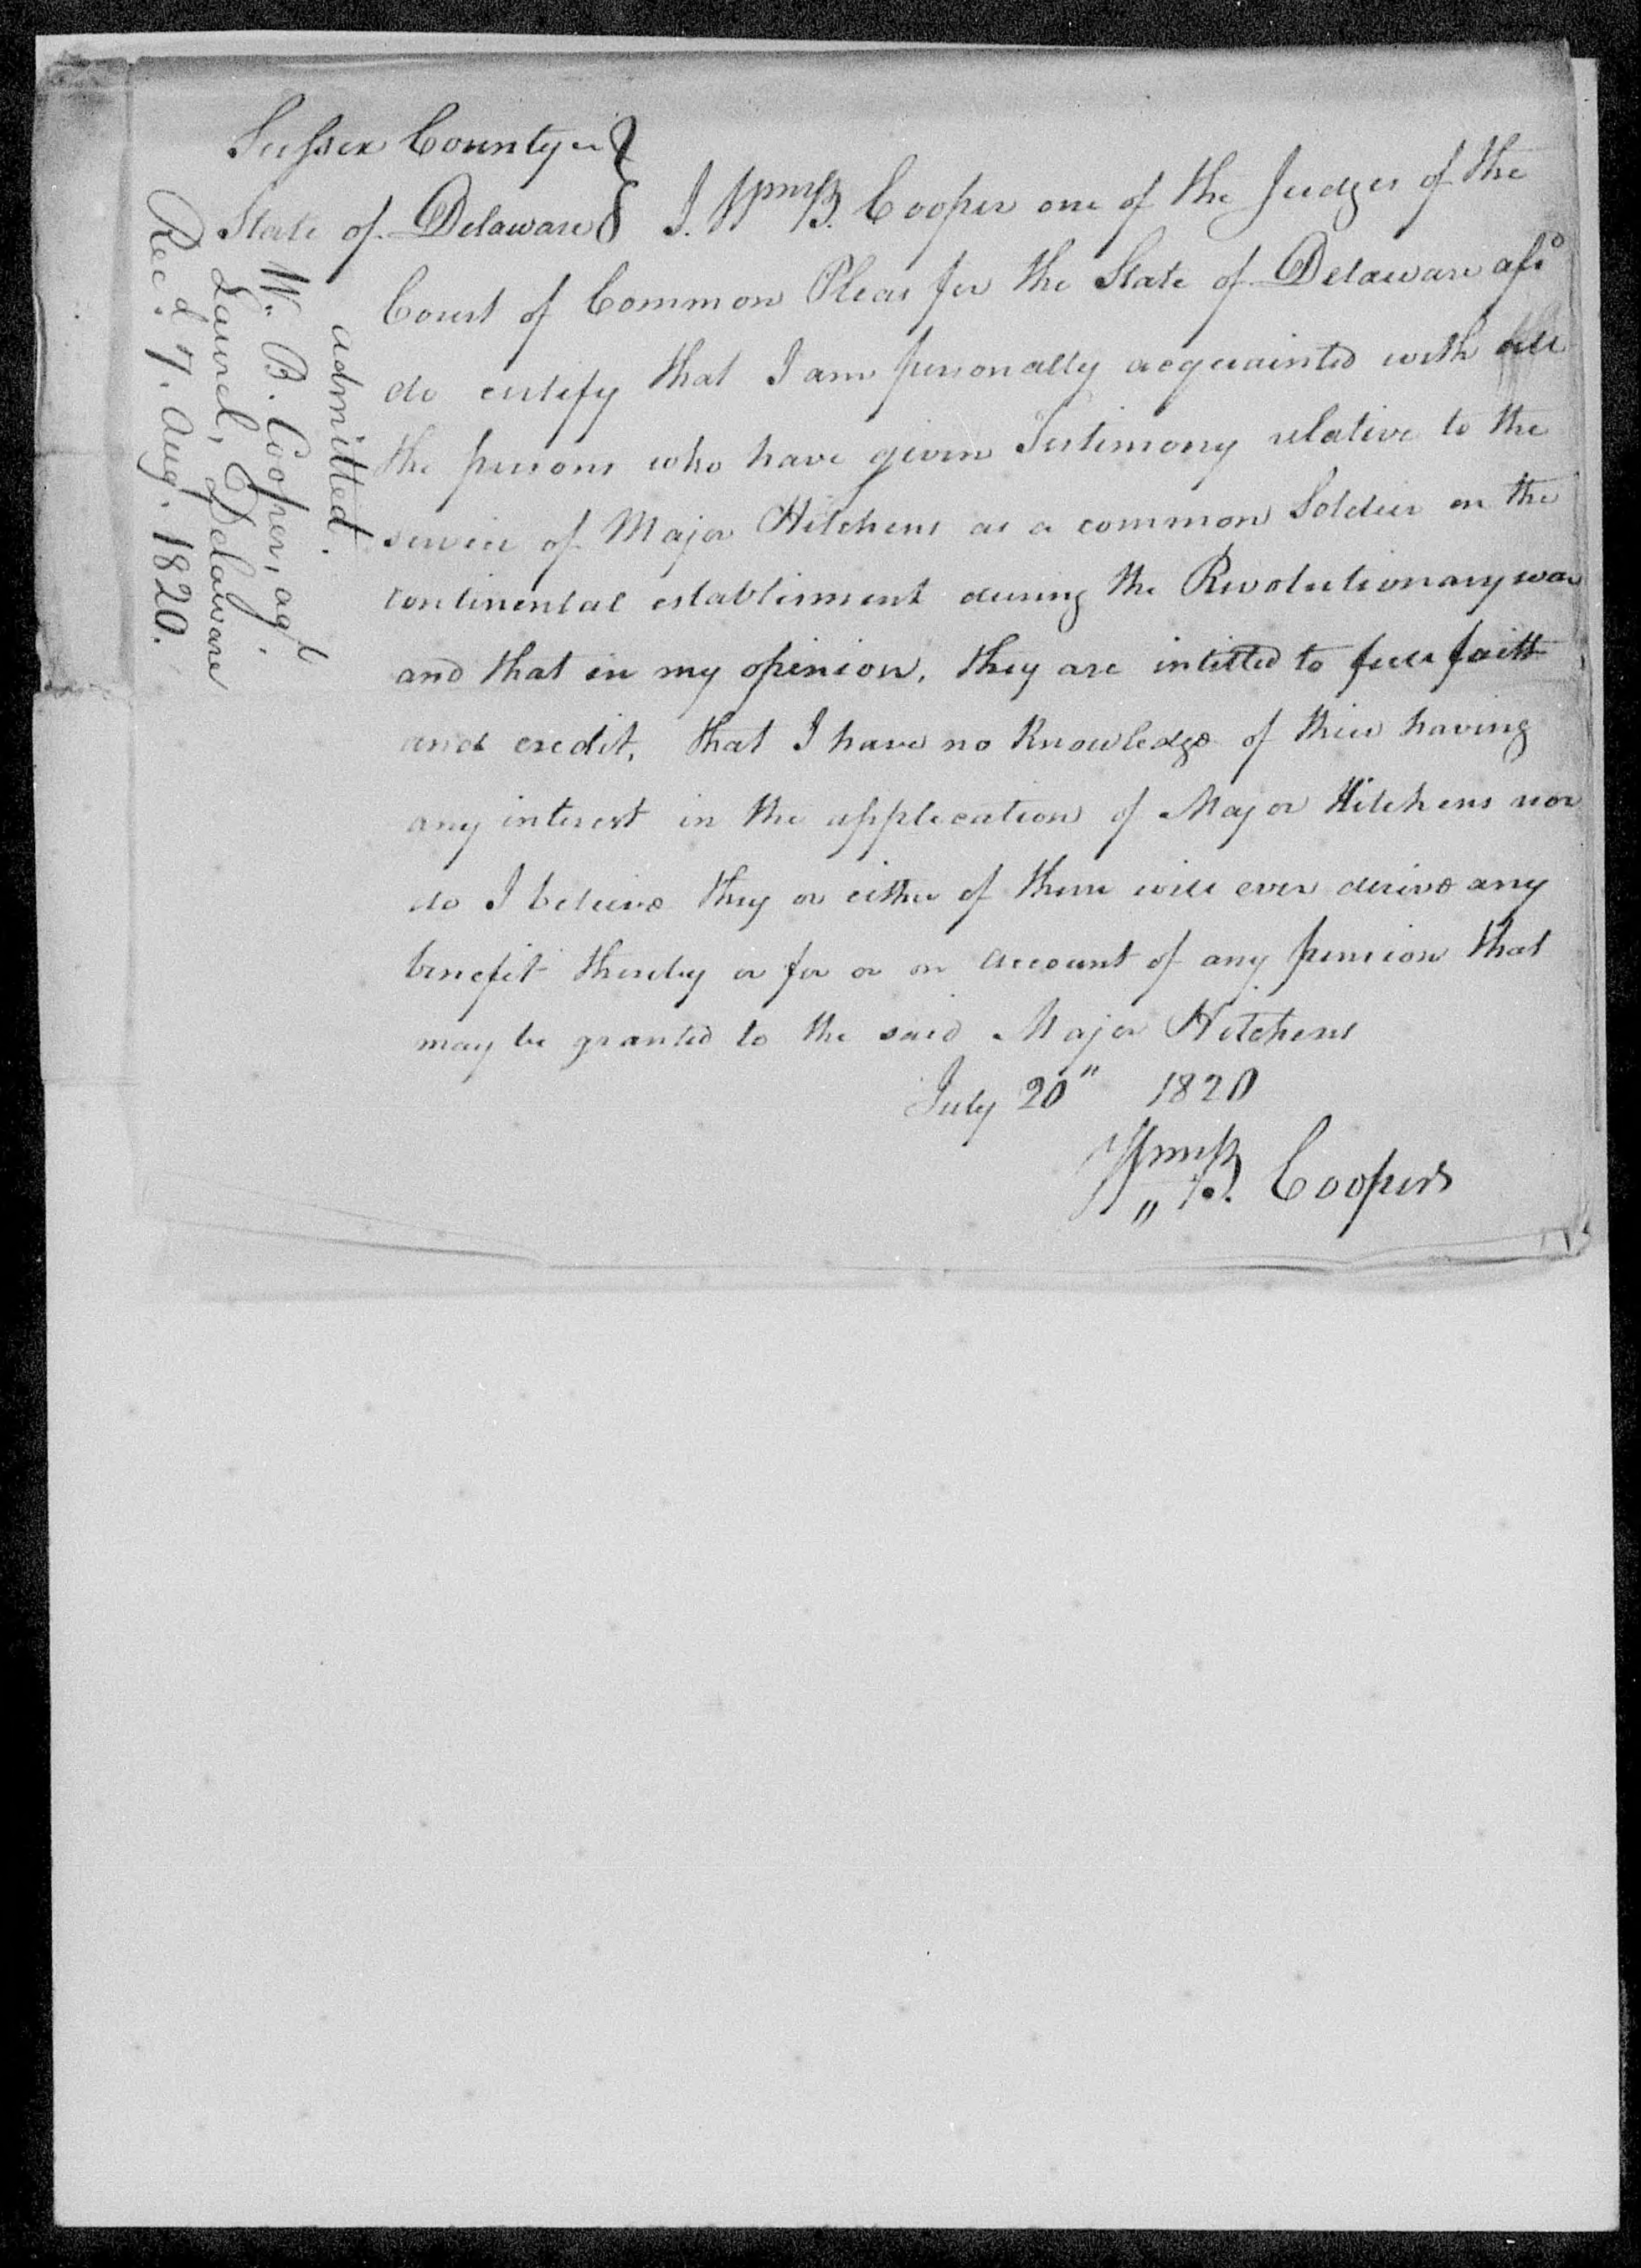Sussex County
State of Delaware

admitted
Mr. B. Cooper, ag
Laurel, Delaware
Recd 7. Aug. 1820.

 I WmB Cooper one of the Judges of the
Court of Common Pleas for the State of Delaware afi
to certify that I am personally acquainted with all
the persons who have given Testimony relative to the
service of Major Hitchens as a common Soldier in the
continental establishment during the Revolutionary war
and that in my opinion, they are intitled to full faith
and credit, that I have no knowledge of their having
any interest in the application of Major Hitchens nor
do I believe they or either of them will ever derive any
benefit thereby or for or on account of any pension that
may be granted to the said Major Hitchens
July 20 1820
WmB. Cooper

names: Major Hitchens, Wm B Coopers, Wm B Cooper, Major Hitchens, Major Hitchens, W B Cooper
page: 8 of 21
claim: survivor's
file: S. 36017, Major Hitchens, Del.